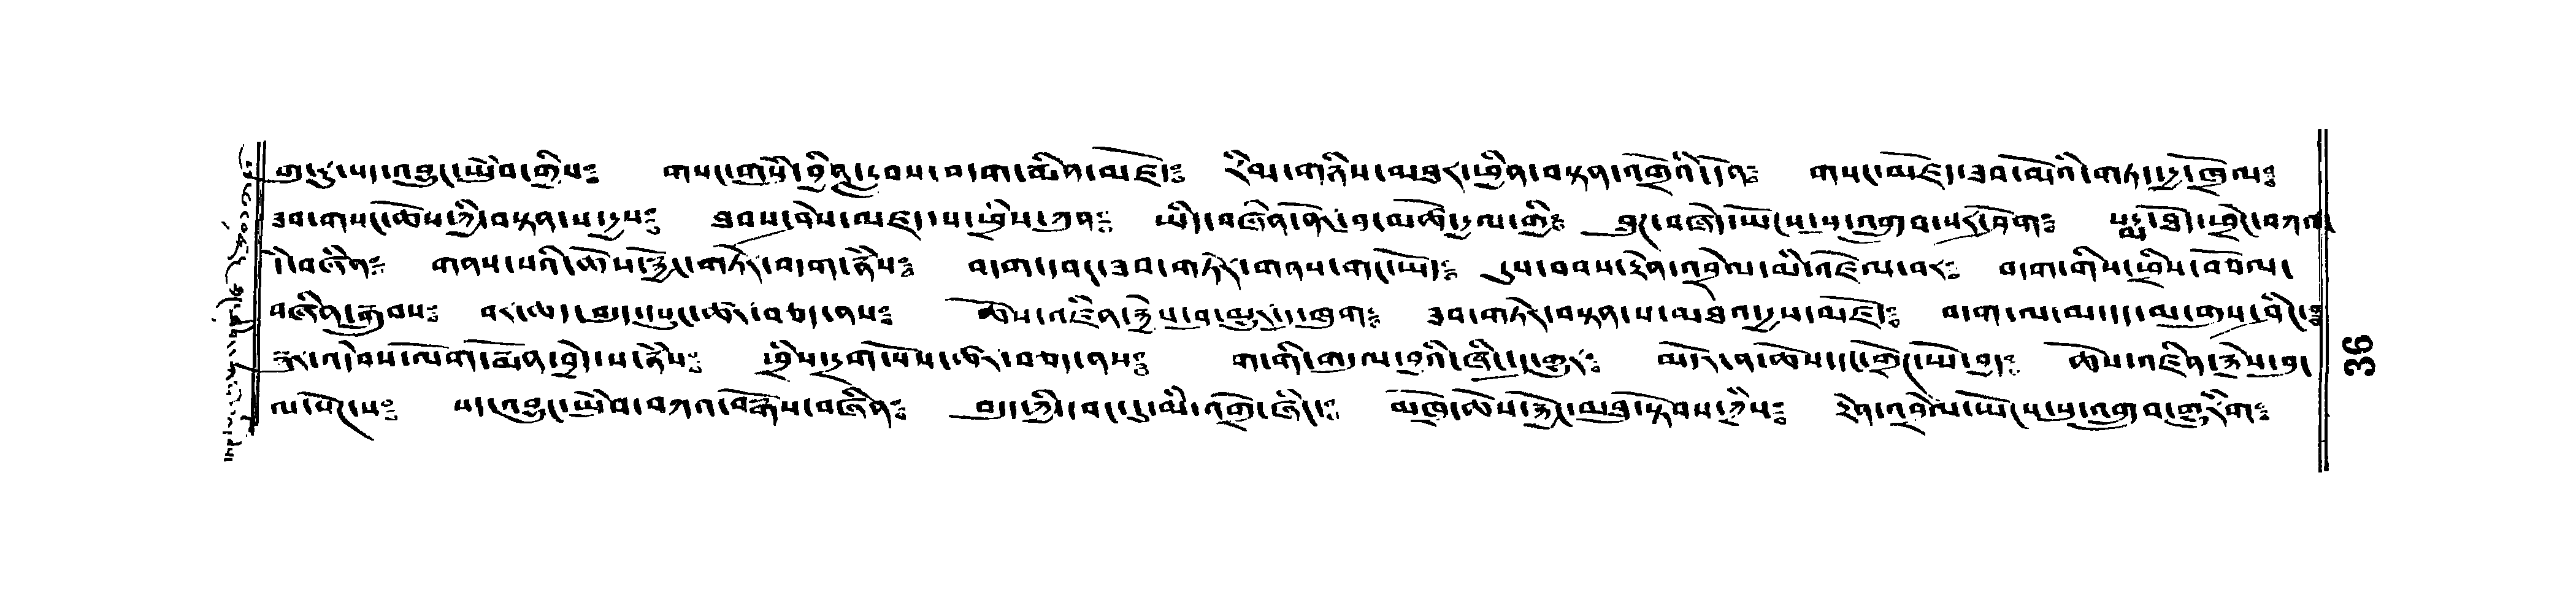གུ་རུ་པད་འབྱུང་ཡབ་ཡུམ་གྱིས༔ གསང་གསུམ་བྱིན་རླབས་བདག་སྨིན་མཛོད༔ རིམ་གཉིས་མཐར་ཕྱིན་བསྟན་འགྲོའི་དོན༔ གསང་མཛོད་ཟབ་མོའི་གཏད་རྒྱ་ཁྲོལ༔ 
ཟབ་གསང་ཆོས་ཀྱི་བསྟན་པ་རྒྱས༔ ཐབས་ཤེས་མཛད་པ་ཕྲིན་ལས་ཀུན༔ ཡིད་བཞིན་ནོར་བུ་མཚོ་རྒྱལ་གྱི༔ ཐུགས་བཞེད་ཡོངས་སུ་འགྲུབ་པར་ཤོག༔ པདྨ་ཐོད་ཕྲེང་བཀའ་
དམ་བཞིན༔ གནས་པའི་ཆོས་སྐྱོང་གཏེར་བདག་རྣམས༔ བདག་དབང་ཟབ་གཏེར་གནས་གང་ཡོད༔ དུས་བབས་རྟེན་འབྲེལ་མི་འཛོལ་བར༔ བདག་གིས་ཕྲིན་ལས་བཅོལ་
བཞིན་སྒྲུབས༔ བར་ཆད་བདུད་དཔུང་ཚར་བཅད་ནས༔ ག་གའི་གདུལ་བྱའི་ཞིང་དུ་གྱུར༔ མདོར་ན་ཆོས་དང་གྲོགས་ཡོ་བྱད༔ ཆོས་འཛིན་སྐྱེས་བུ་
ལ་སོགས་པ༔ པད་འབྱུང་ཡབ་ཡུམ་བཀའ་བསྒོས་བཞིན༔ བདུད་ཀྱི་དབང་དུ་མི་འགྲོ་ཞིང༔ མཁའ་འགྲོ་ཆོས་སྐྱོང་མཐུ་སྟོབས་ཀྱིས༔ རྟེན་འབྲེལ་ཡོངས་སུ་འགྲུབ་གྱུར་ཅིག༔